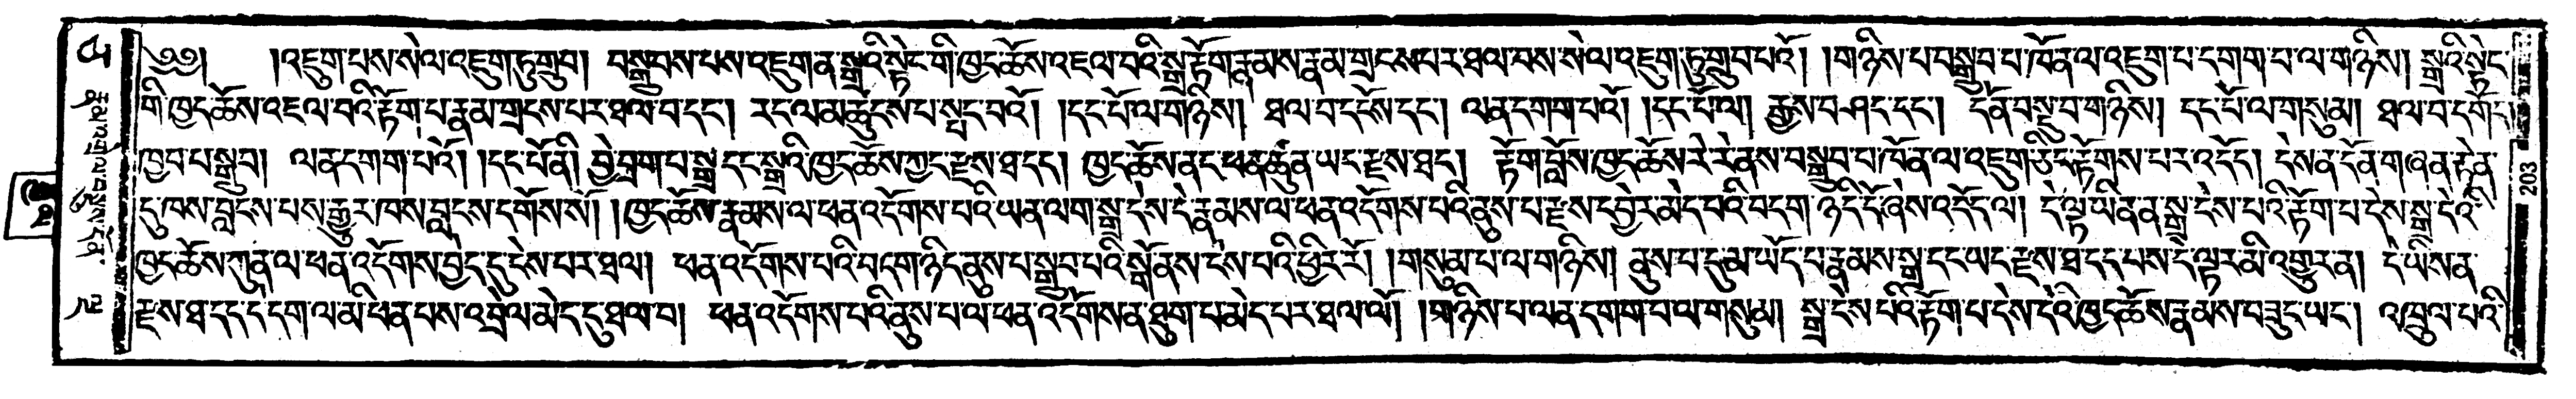༄༅། །འཇུག་པས་སེལ་འཇུག་ཏུ་གྲུབ། བསྒྲུབས་པས་འཇུག་ན་སྒྲའི་སྟེང་གི་ཁྱད་ཆོས་འཇལ་བའི་སྒྲ་རྟོག་རྣམས་རྣམ་གྲངས་པར་ཐལ་བས་སེལ་འཇུག་ཏུ་གྲུབ་པའོ། །གཉིས་པ་བསྒྲུབ་པ་ཁོ་ན་ལ་འཇུག་པ་དགག་པ་ལ་གཉིས། སྒྲའི་སྟེང་
གི་ཁྱད་ཆོས་འཇལ་བའི་རྟོག་པ་རྣམ་གྲངས་པར་ཐལ་བ་དང་། རང་ལ་མཚུངས་པ་སྤང་བའོ། །དང་པོ་ལ་གཉིས། ཐལ་བ་དངོས་དང་། ལན་དགག་པའོ། །དང་པོ་ལ། རྒྱས་བཤད་དང་། དོན་བསྡུ་བ་གཉིས། དང་པོ་ལ་གསུམ། ཐལ་བ་དགོད་
ཁྱབ་པ་སྒྲུབ། ལན་དགག་པའོ། །དང་པོ་ནི། བྱེ་བྲག་པ་སྒྲ་དང་སྒྲའི་ཁྱད་ཆོས་ཀྱང་རྫས་ཐ་དད། ཁྱད་ཆོས་ནང་ཕན་ཚུན་ཡང་རྫས་ཐང་། རྟོག་བློས་ཁྱད་ཆོས་རེ་རེ་ནས་བསྒྲུབ་པ་ཁོ་ན་ལ་འཇུག་ཅིང་རྟོགས་པར་འདོད། དེས་ན་དོན་གཞན་རྟེན་
དུ་ཁས་བླངས་པས་རྒྱུར་ཁས་བླངས་དགོས་སོ། །ཁྱད་ཆོས་རྣམས་ལ་ཕན་འདོགས་པའི་ཡན་ལག་སྒྲ་དེས་དེ་རྣམས་ལ་ཕན་འདོགས་པའི་ནུས་པ་རྫས་དབྱེར་མེད་པའི་བདག་ཉིད་དོ་ཞེས་འདོད་ལ། དེ་ལྟ་ཡིན་ན་སྒྲ་ངེས་པའི་རྟོག་པ་དེས་སྒྲ་དེའི་
ཁྱད་ཆོས་ཀུན་ལ་ཕན་འདོགས་བྱེད་དུ་ངེས་པར་ཐལ། ཕན་འདོགས་པའི་བདག་ཉིད་ནུས་པ་སྒྲུབ་པའི་སྒོ་ནས་ངེས་པའི་ཕྱིར་རོ། །གསུམ་པ་ལ་གཉིས། ནུས་པ་དུ་མ་ཡོད་པ་རྣམས་སྒྲ་དང་ཡང་རྫས་ཐ་དད་པས་དེ་ལྟར་མི་འགྱུར་ན། དེ་ཡིས་ན་
རྫས་ཐ་དད་དེ་དག་ལ་མི་ཕན་པས་འབྲེལ་མེད་དུ་ཐལ་བ། ཕན་འདོགས་པའི་ནུས་པ་ལ་ཕན་འདོགས་ན་ཐུག་པ་མེད་པར་ཐལ་ལོ། །གཉིས་པ་ལན་དགག་པ་ལ་གསུམ། སྒྲ་ངེས་པའི་རྟོག་པ་དེས་དེའི་ཁྱད་ཆོས་རྣམས་བཟུང་ཡང་། འཁྲུལ་པའི་